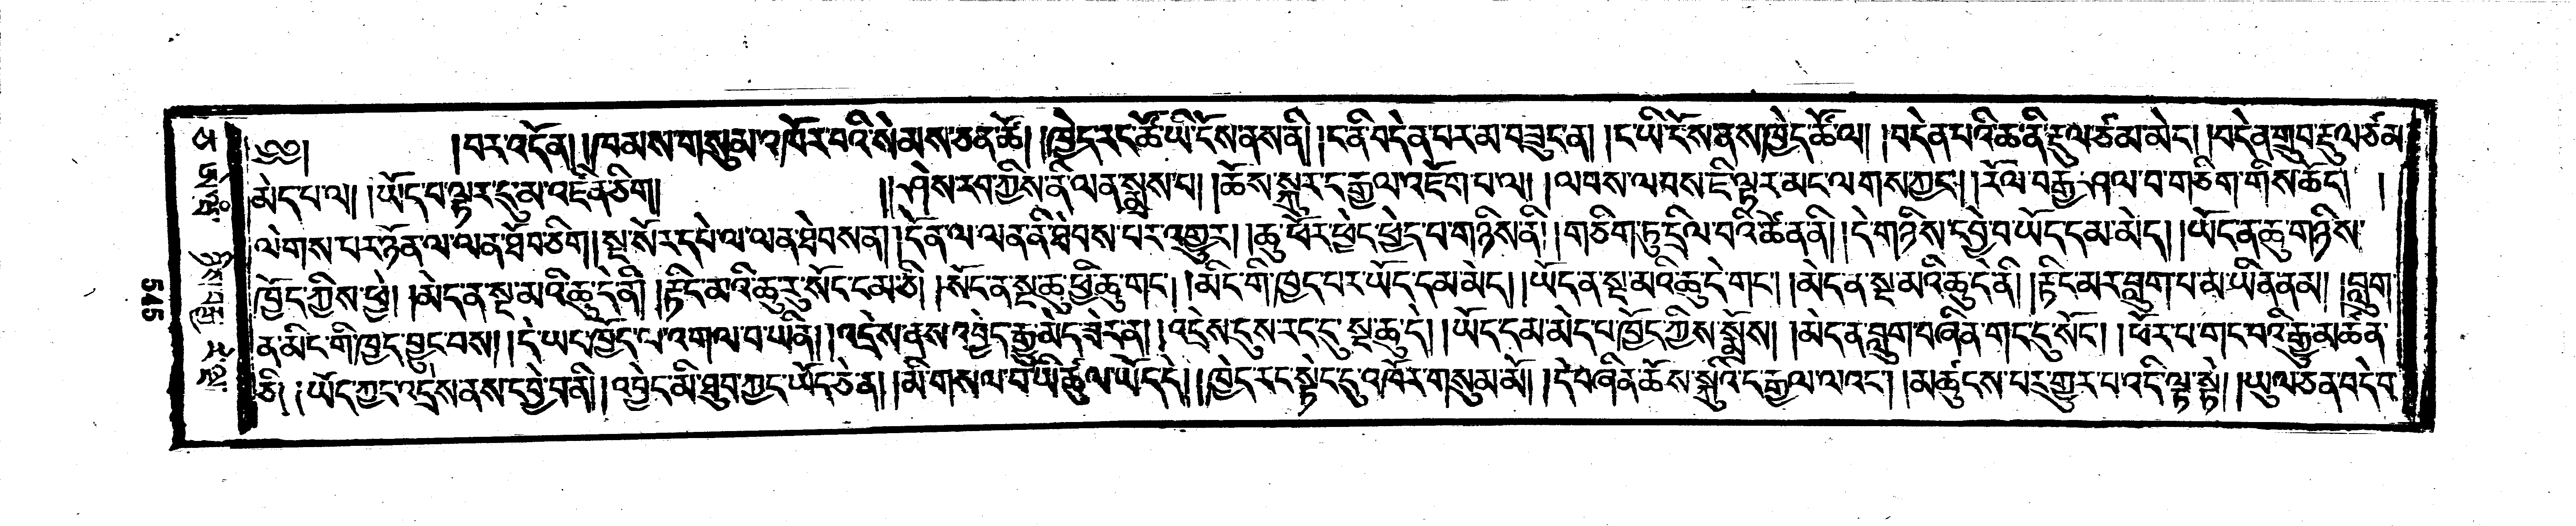༄༅། །བར་འདོན། །ཁམས་གསུམ་འཁོར་བའི་སེམས་ཅན་ཚོ། །ཁྱེད་རང་ཚོ་ཡི་ངོས་ནས་ནི། །ང་ནི་བདེན་པར་མ་བཟུང་ན། །ང་ཡི་ངོས་ནས་ཁྱེད་ཚོ་ལ། །བདེན་པའི་ཆ་ནི་རྡུལ་ཙམ་མེད། །བདེན་གྲུབ་རྡུལ་ཙམ་
མེད་པ་ལ། །ཡོད་པ་ལྟར་དུ་མ་འཛིན་ཅིག། །།ཤེས་རབ་ཀྱིས་ནི་ལན་སྨྲས་པ། །ཆོས་སྐུར་ང་རྒྱལ་འཇོག་པ་ལ། །ལབས་ལབས་ཇི་ལྟར་མང་ལགས་ཀྱང་། །རོལ་བརྒྱ་ཤལ་བ་གཅིག་གིས་ཆོད། །
ལེགས་པར་ཉོན་ལ་ལན་ཐོབ་ཅིག །སྔ་སོར་དཔེ་ལ་ལན་ཐེབས་ན། །དོན་ལ་ལན་ནི་ཐེབས་པར་འགྱུར། །ཆུ་ཕོར་ཕྱེད་ཕྱེད་པ་གཉིས་ནི། །གཅིག་ཏུ་དྲིལ་བའི་ཚེ་ན་ནི། །དེ་གཉིས་དབྱེ་བ་ཡོད་དམ་མེད། །ཡོད་ན་ཆུ་གཉིས་
ཁྱོད་ཀྱིས་ཕྱེ། །མེད་ན་སྔ་མའི་ཆུ་དེ་ནི། །རྟིང་མའི་ཆུ་རུ་སོང་ངམ་ཅི། །སོང་ན་སྔ་ཆུ་ཕྱི་ཆུ་གང་། །མིང་གི་ཁྱད་པར་ཡོད་དམ་མེད། །ཡོད་ན་སྔ་མའི་ཆུ་དེ་གང་། །མེད་ན་སྔ་མའི་ཆུ་དེ་ནི། །རྟིང་མར་བླུག་པ་མ་ཡིན་ནམ། །བླུག་
ན་མིང་གི་ཁྱད་བྱུང་བས། །དེ་ཡང་ཁྱོད་ལ་འགལ་བ་ཡིན། །འདྲེས་ནས་འབྱེད་རྒྱུ་མེད་ཟེར་ན། །འདྲེས་དུས་རང་དུ་སྔ་ཆུ་དེ། །ཡོད་དམ་མེད་པ་ཁྱོད་ཀྱིས་སྨྲོས། །མེད་ན་བླུག་བཞིན་གང་དུ་སོང་། །ཕོར་པ་གང་བའི་རྒྱུ་མཚན་
ཅི༑ ༑ཡོད་ཀྱང་འདྲེས་ནས་དབྱེ་བ་ནི། །འབྱེད་མི་ཐུབ་ཀྱང་ཡོད་ཅེ་ན། །མི་གསལ་བ་ཡི་ཚུལ་ཡོད་དེ། །ཁྱེད་རང་སྟེང་དུ་འཁོར་གསུམ་མོ། །དེ་བཞིན་ཆོས་སྐུའི་ང་རྒྱལ་ལའང་། །མཚུངས་པར་གྱུར་པ་འདི་ལྟ་སྟེ། །ཡུལ་ཅན་བདེ་བ་